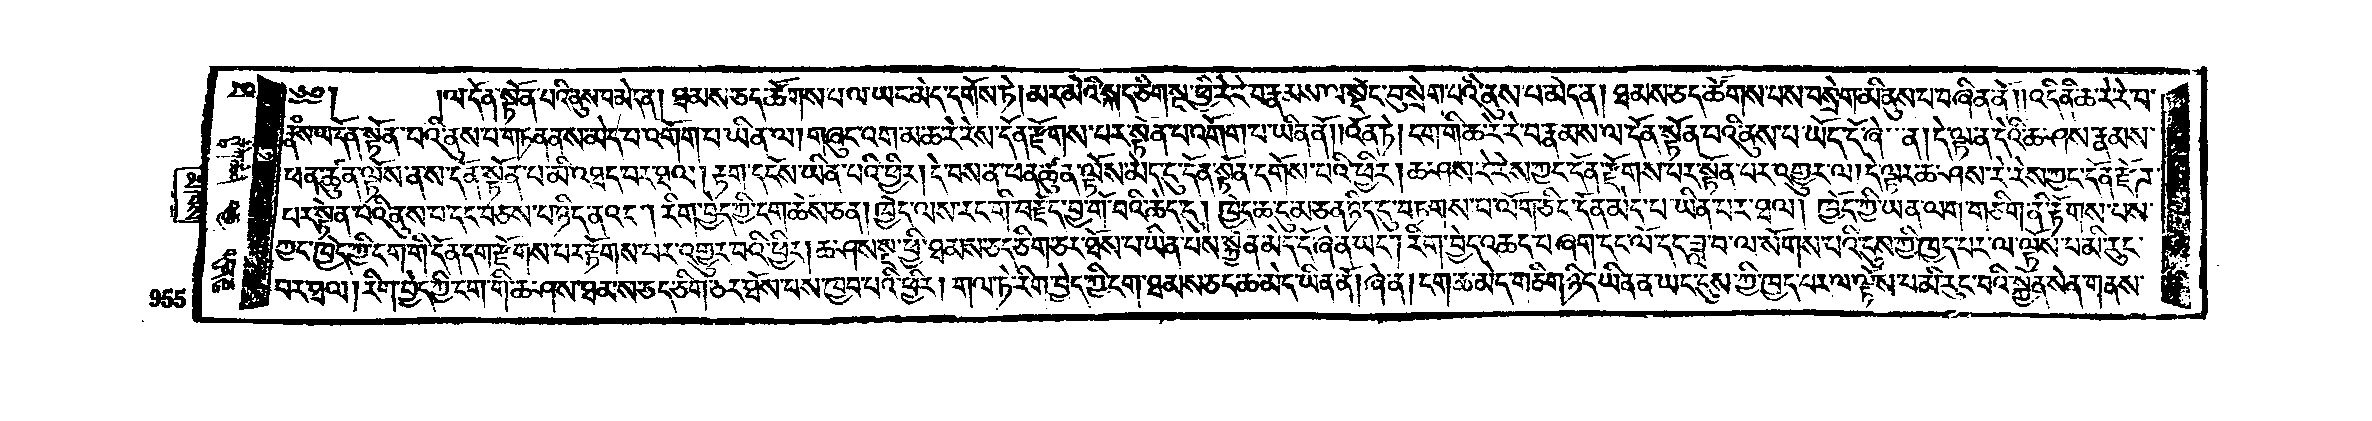༄༅། །ལ་དོན་སྟོན་པའི་ནུས་པ་མེད་ན། ཐམས་ཅད་ཚོགས་པ་ལ་ཡང་མེད་དགོས་ཏེ། མར་མེའི་སྐད་ཅིག་སྔ་ཕྱི་རེ་རེ་བ་རྣམས་ལ་སྡོང་བུ་སྲེག་པའི་ནུས་པ་མེད་ན། ཐམས་ཅད་ཚོགས་པས་བསྲེག་མི་ནུས་པ་བཞིན་ནོ། །འདི་ནི་ཆ་རེ་རེ་བ་
རྣམས་ལ་དོན་སྟོན་པའི་ནུས་པ་གཏན་ནས་མེད་པ་འགོག་པ་ཡིན་ལ། གཞུང་འོག་མ་ཆ་རེ་རེས་དོན་རྫོགས་པར་སྟོན་པ་འགོག་པ་ཡིན་ནོ། །འོན་ཏེ། ངག་གི་ཆ་རེ་རེ་བ་རྣམས་ལ་དོན་སྟོན་པའི་ནུས་པ་ཡོད་དོ་ཞེ་ན། དེ་ལྟ་ན་དེའི་ཆ་ཤས་རྣམས་
ཕན་ཚུན་ལྟོས་ནས་དོན་སྟོན་པ་མི་འཐད་པར་ཐལ། རྟག་དངོས་ཡིན་པའི་ཕྱིར། དེ་བས་ན་ཕན་ཚུན་ལྟོས་མེད་དུ་དོན་སྟོན་དགོས་པའི་ཕྱིར། ཆ་ཤས་རེ་རེ་ཀྱང་དོན་རྫོགས་པར་སྟོན་པར་འགྱུར་ལ། དེ་ལྟར་ཆ་ཤས་རེ་རེས་ཀྱང་དོན་རྫོགས་
པར་སྟེན་པའི་ནུས་པ་དང་བཅས་པ་ཉིད་ནའང་། རིག་བྱེད་ཀྱི་ངག་ཆོས་ཅན། ཁྱེད་ལས་རང་གི་བརྗོད་བྱ་གོ་བའི་ཆེད་དུ། ཁྱེད་ཆ་དུ་མ་ཅན་ཉིད་དུ་བཏགས་པ་ལོག་ཅིང་དོན་མེད་པ་ཡིན་པར་ཐལ། ཁྱོད་ཀྱི་ཡན་ལག་གཅིག་ནི་རྟོགས་པས་
ཀྱང་ཁྱེད་ཀྱི་ངག་གི་དོན་དག་རྫོགས་པར་རྟོགས་པར་འགྱུར་བའི་ཕྱིར། ཆ་ཤས་སྔ་ཕྱི་ཐམས་ཅད་ཅིག་ཅར་ཐོས་པ་ཡིན་པས་སྐྱོན་མེད་དོ་ཞེ་ན་ཡང་། རིག་བྱེད་འཆད་པ་ཞག་དང་ལོ་དང་ཟླ་བ་ལ་སོགས་པའི་དུས་ཀྱི་ཁྱད་པར་ལ་ལྟོས་པ་མི་རུང་
བར་ཐལ། རིག་བྱེད་ཀྱི་ངག་གི་ཆ་ཤས་ཐམས་ཅད་ཅིག་ཅར་ཐོས་པས་ཁྱབ་པའི་ཕྱིར། གལ་ཏེ་རིག་བྱེད་ཀྱི་ངག་ཐམས་ཅད་ཆ་མེད་ཡིན་ནོ། ཞེ་ན། ངག་ཆ་མེད་གཅིག་ཉིད་ཡིན་ན་ཡང་དུས་ཀྱི་ཁྱད་པར་ལ་ལྟོས་པ་མི་རུང་བའི་སྐྱོན་སེན་གནས་